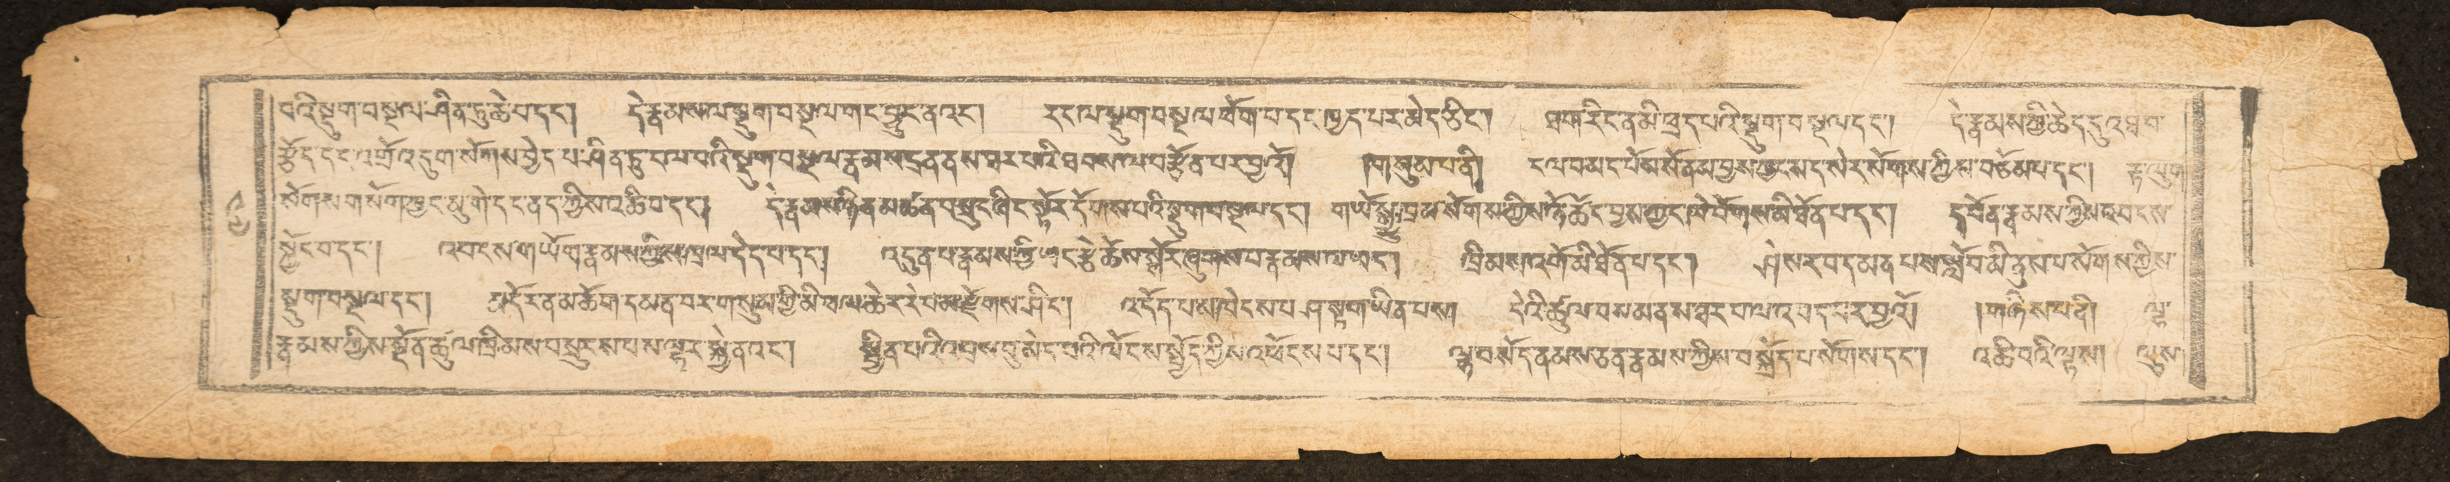བའི་སྡུག་བསྔལ་ཤིན་ཏུ་ཆེ་བ་དང་། དེ་རྣམས་ལ་སྡུག་བསྔལ་གང་བྱུང་ནའང་། རང་ལ་སྡུག་བསྔལ་ཕོག་??ཁྱེད་པས་མེད་ཅིང་། ཐག་རིང་ན་མི་ཕྲད་པའི་སྡུག་བསྔལ་དང་། དེ་རྣམས་ཀྱི་ཚེད་དུ་འཐབ་
རྩོད་དང་འགྲོ་འདུག་སོགས་བྱེད་པ་ཤིན་ཏུ་ངལ་བའི་སྡུག་བསྔལ་རྣམས་དྲན་ནས་ཐར་བའི་ཐབས་ལ་བརྩོན་པར་བྱའོ། །གསུམ་པ་ནི། ངལ་བ་མང་པོས་སོ་ནམ་བྱས་ཀྱང་སར་སེར་སོགས་ཀྱིས་བཅོམ་པ་དང་། རྟ་ལུག་
སོགས་གསོག་ཀྱང་མུ་གེ་དང་ནད་ཀྱིས་འཆི་བ་དང་། དེ་རྣམས་ཉིན་མཚན་བསྲུང་ཞིང་སྟོར་དོགས་པའི་སྡུག་བསྔལ་དང་། གཡོ་སྒྱུ་ཁྲམ་སོགས་ཀྱིས་ཉོ་ཚོང་བྱས་ཀྱང་ཁེ་བོ??་གས་མི་ཐོན་པ་དང་། དཔོན་རྣམས་ཀྱིས་འབངས་
སྐྱོང་བ་དང་། འབངས་གཡོག་རྣམས་ཀྱིས་ཁྲལ་དེད་པ་དང་། འདུན་པ་རྣམས་ཀྱི་ཡང་རྩེ་ཆོས་སྒོར་ཞུགས་པ་རྣམས་ལ་ཡང་། ཁྲིམས་འགོ་མི་ཐོན་པ་དང་། ཤེས་རབ་དམན་པས་སློབ་མི་ནུས་པ་སོགས་ཀྱིས་
སྡུག་བསྔལ་དང་། མདོར་ན་མཆོག་དམན་བར་གསུམ་གྱི་མི་ཕལ་ཆེར་རེ་པ་མ་རྫོགས་ཤིང་། འདོད་པ་མ་ཁེངས་པ་ཤ་སྟག་ཡིན་པས། དེའི་ཚུལ་བསམ་ནས་ཐར་པ་ལ་འབད་བར་བྱའོ། །གཉིས་པ་ནི། ལྷ་
རྣམས་ཀྱིས་སྔོན་ཚུལ་ཁྲིམས་བསྲུངས་པས་ལྷར་སྐྱེ་ནའང་། སྦྱིན་པའི་འབྲས་བུ་མེད་པའི་ལོངས་སྤྱོད་ཀྱིས་འཕོངས་པ་དང་། ལྷ་བསོད་ནམས་ཅན་རྣམས་ཀྱིས་བསྐྲོད་པ་སོགས་དང་། འཆི་བའི་ལྟས། ལུས་